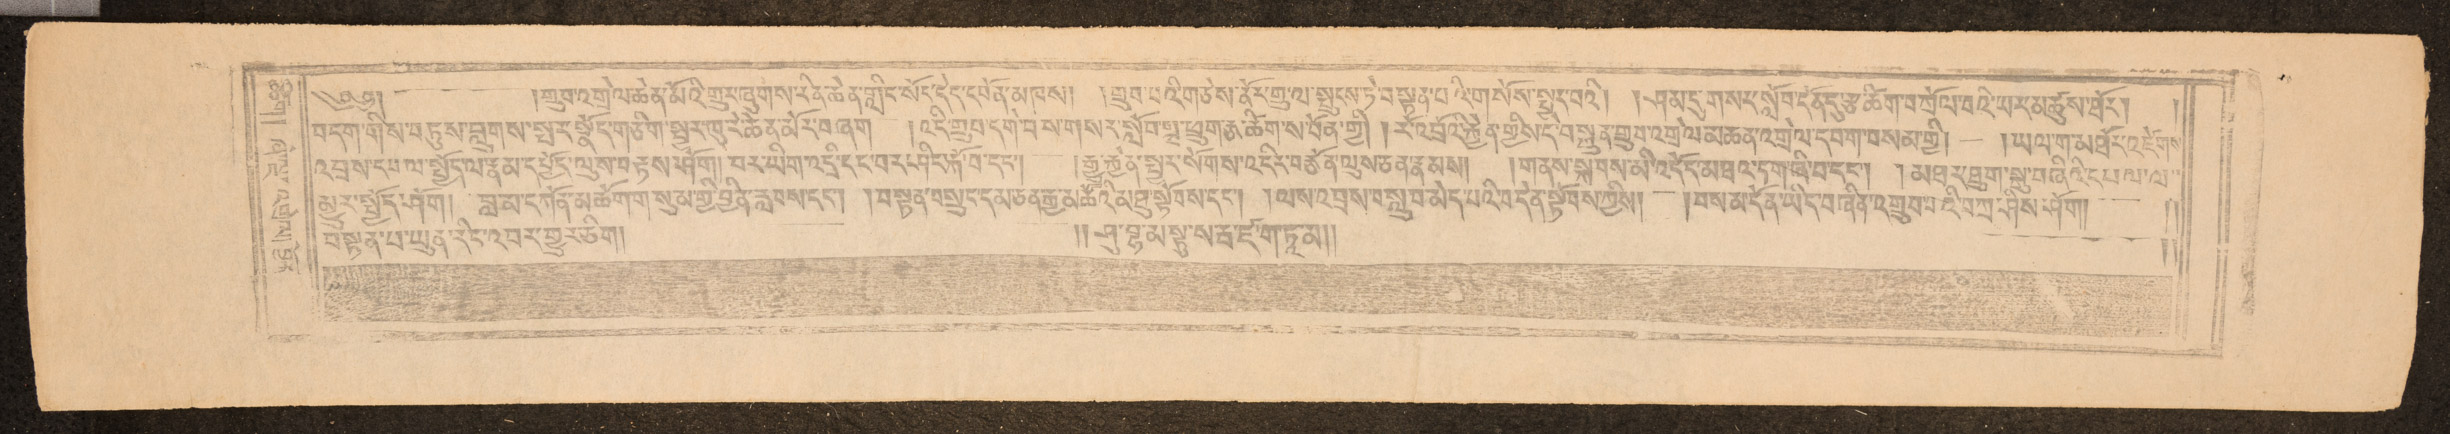༄༅། །གྲུབ་འགྲེལ་ཆེན་མོའི་གྲུར་ཞུགས་རིན་ཆེན་གླིང་སོང་དེད་དཔོན་མཁས། །གྲུབ་པའི་གཅེས་ནོར་གྲུ་ལ་སྤུངས་ཏེ་བསྟན་པའི་གསོས་སྤྱར་པའི། །ཤམ་དུ་གསར་སློབ་དོན་དུ་རྩ་ཚིག་བཀྲོལ་བའི་ཡར་མཚུས་ཐོར། །
བདག་གིས་བཏུས་བླུགས་སྤར་སྣོད་གཅིག་སྤྱར་ཁུ་རེ་ཆེན་མོར་བཞག །འདི་གྲུབ་དགེ་བསགས་སློབ་གྲྭ་ཕྲུག་རྩ་ཚིག་ས་བོན་གྱི། །རོ་འབྲོའི་རྐྱེན་གྱིས་དེ་བསྐྲུན་གྲུབ་འགྲེལ་མཆན་འགྲེལ་དབག་བསམ་གྱི། །ཡལ་ག་མཐོར་འཛེགས་
འབྲས་དཔལ་སྤྱོད་ལ་རྣམ་དཔྱོད་ལུས་བརྟས་ཤོག། བར་ཡིག་འདྲི་དང་བར་ཤིང་རྐོ་བ་དང་། །རྒྱུ་རྐྱེན་སྤྱར་སོགས་འདིར་བརྩོན་ལུས་ཅན་རྣམས། །གནས་སྐབས་མི་འདོད་མཐའ་དག་ཞི་བ་དང་། །མཐར་ཐུག་སྐུ་བཞིའི་དཔལ་ལ་
མྱུར་སྤྱོད་ཤོག། བླ་མ་དཀོན་མཆོག་གསུམ་གྱི་བྱིན་རླབས་དང་། །བསྟན་བསྲུང་དམ་ཅན་རྒྱ་མཚོའི་མཐུ་སྟོབས་དང་། །ལས་འབྲས་བསླུ་བ་མེད་པའི་བདེན་སྟོབས་ཀྱིས། །བསམ་དོན་ཡིད་བཞིན་འགྲུབ་པའི་བཀྲ་ཤིས་ཤོག། །།
བསྟན་པ་ཡུན་རིང་འབར་གྱུར་ཅིག། །།ཤུ་བྷ་མ་སྟུ་སརྦ་ཛ་ག་ཏཱ་མ།། །།